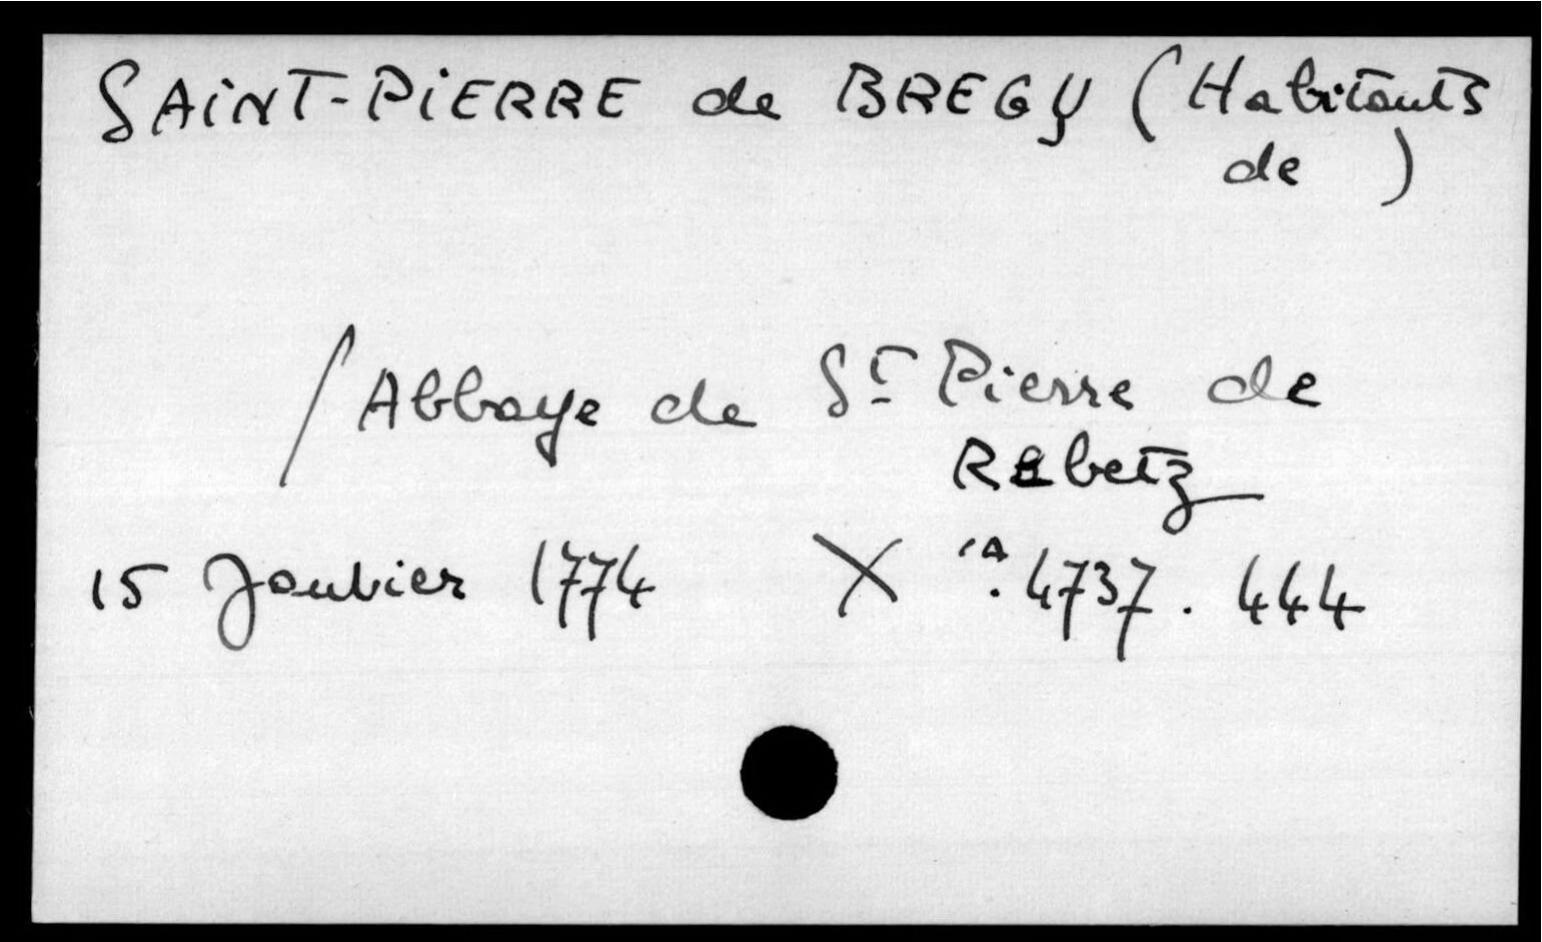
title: SAINT-PIERRE de BREGY (Habitants de)
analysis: Contre Abbaye de Saint-Pierre de Rabetz
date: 15 janvier 1774
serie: X1A
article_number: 4737
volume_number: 444
